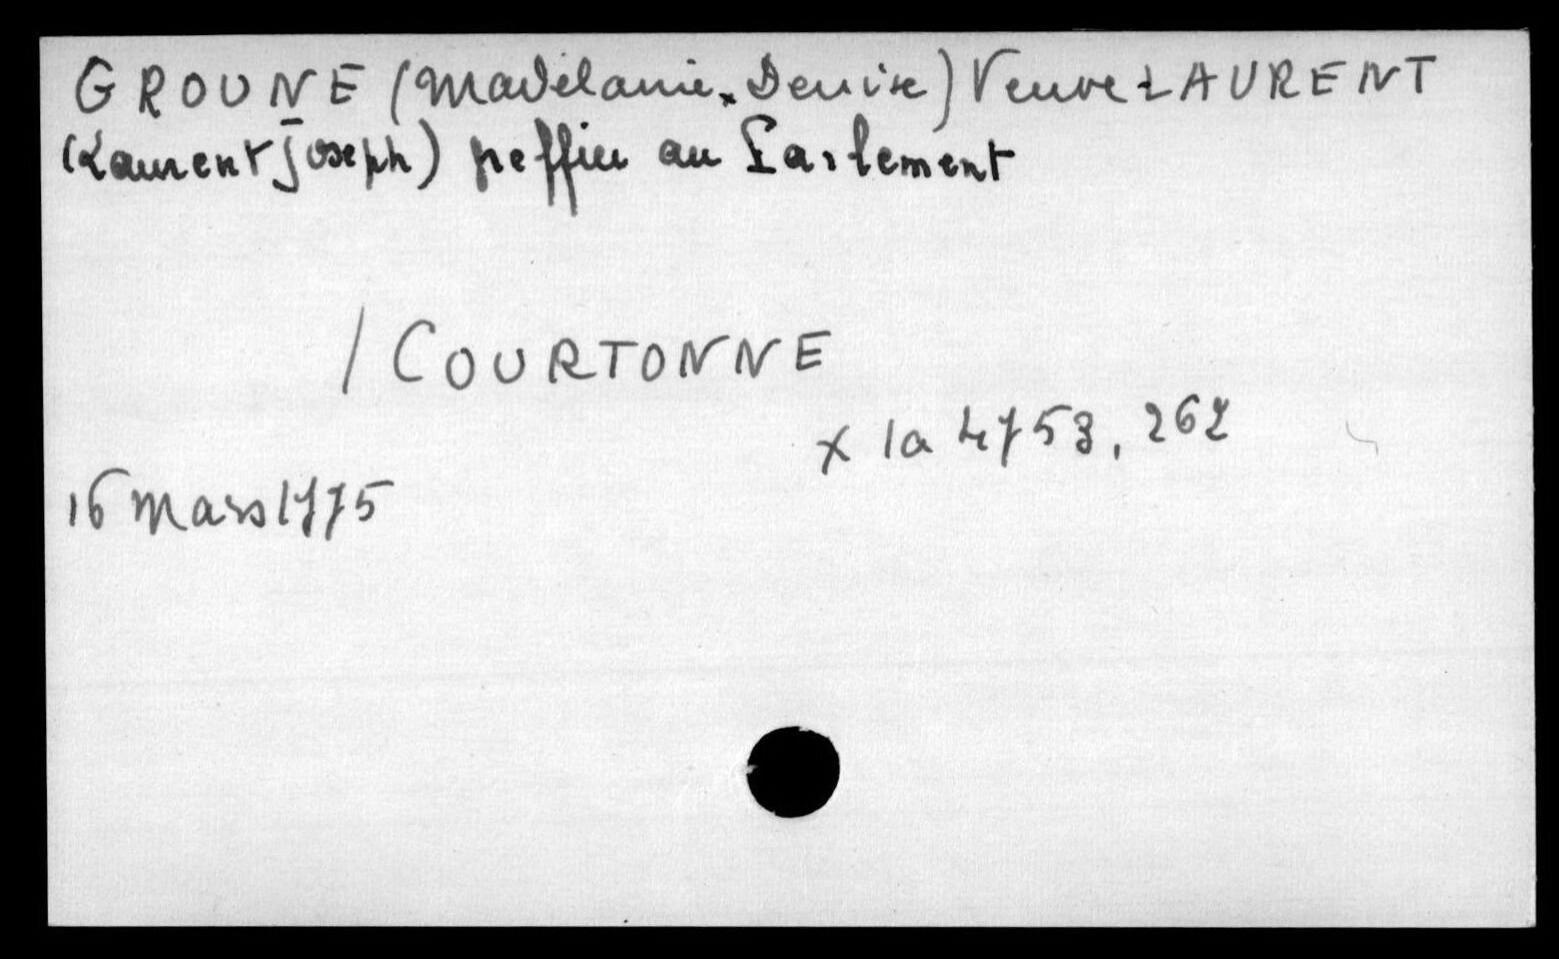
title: GROUNE (Madeleine Denise), veuve LAURENT (Laurent Joseph) greffier au Parlement
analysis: Contre COURTONNE
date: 16 mars 1775
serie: X1a
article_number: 4753
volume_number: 262
